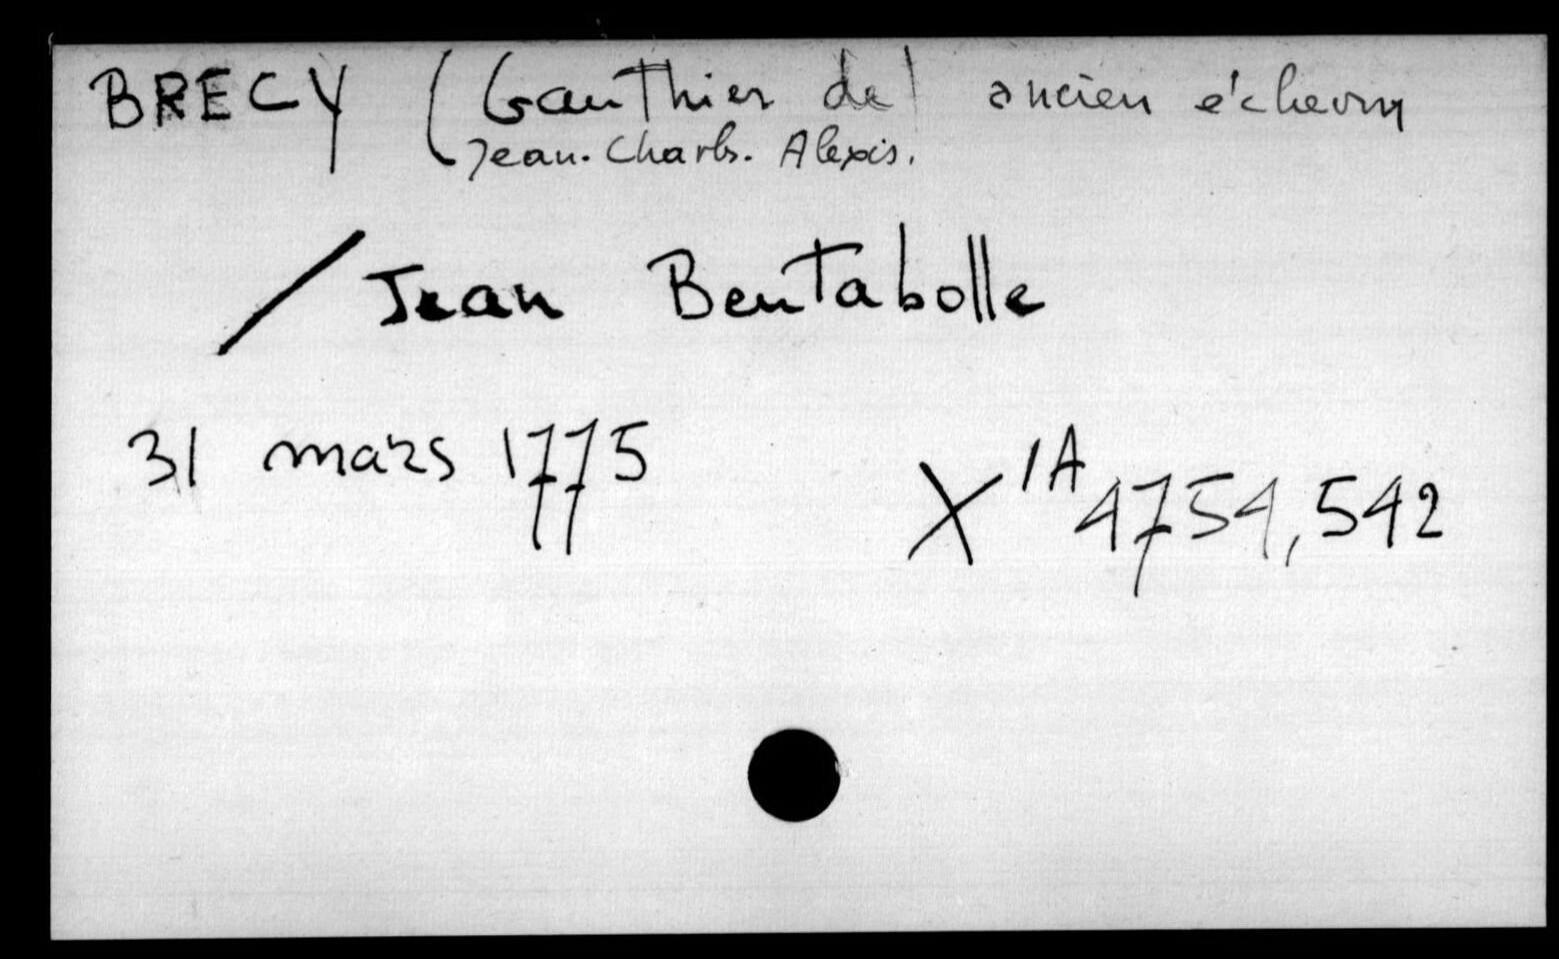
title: BRECY (Jean-Charles-Alexis Gauthier de) ancien échevin
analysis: Contre Jean Bentabolle
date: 31 mars 1775
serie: X1A
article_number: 4754
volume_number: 542
